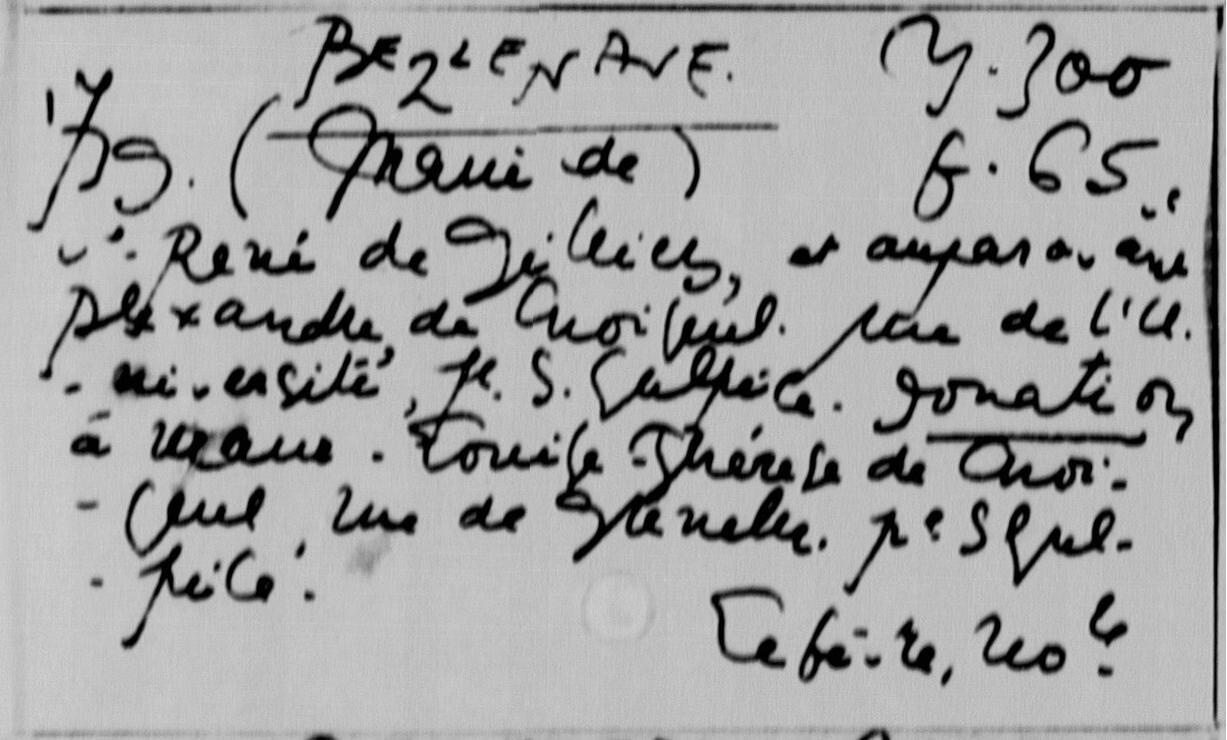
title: BELLENAVE (Marie de)
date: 1719
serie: Y
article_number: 300
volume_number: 65
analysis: Veuve René de GILLIERS, et auparavant Alexandre, de Choiseul, rue de l'Université, paroisse Saint-Sulpice. Donation à Marie-Louise Thérèse de Choiseul, rue de Grenelle, paroisse Saint-Sulpice. Lefèvre, notaire.
